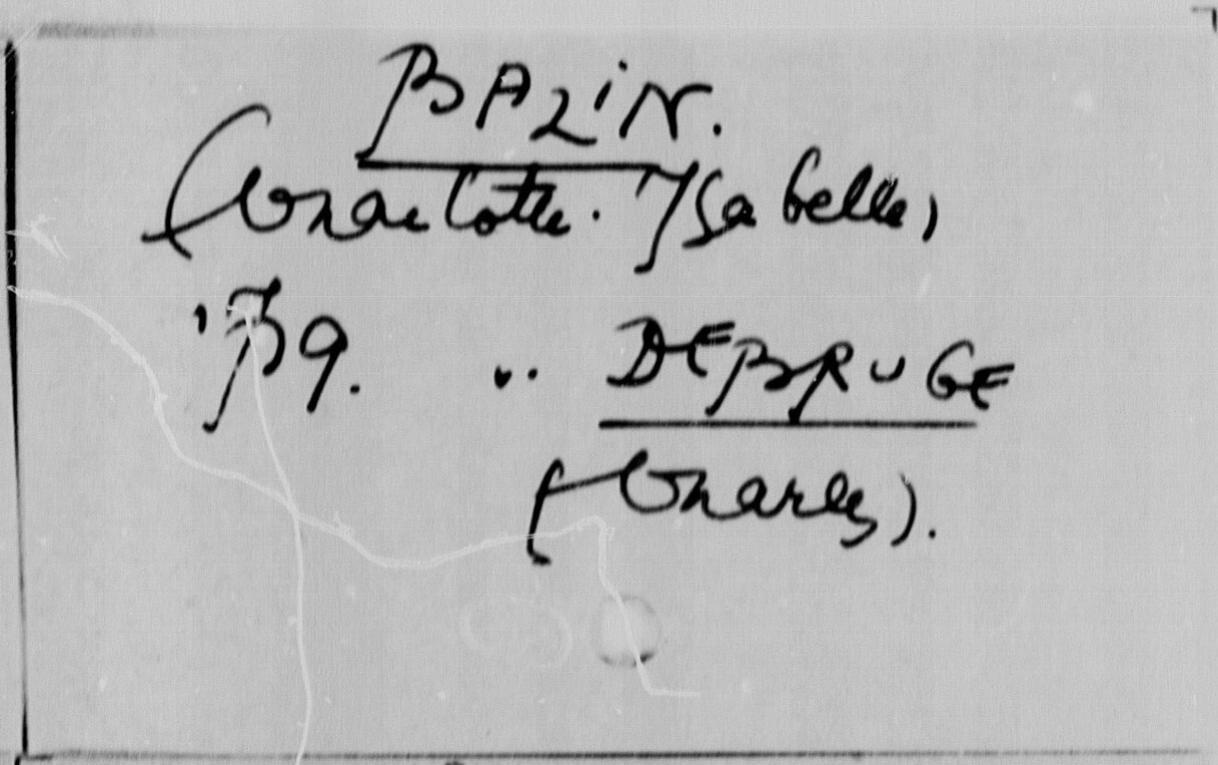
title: BALIN (Charlotte Isabelle)
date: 1709
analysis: Voir DEBRUGE (Charles)
